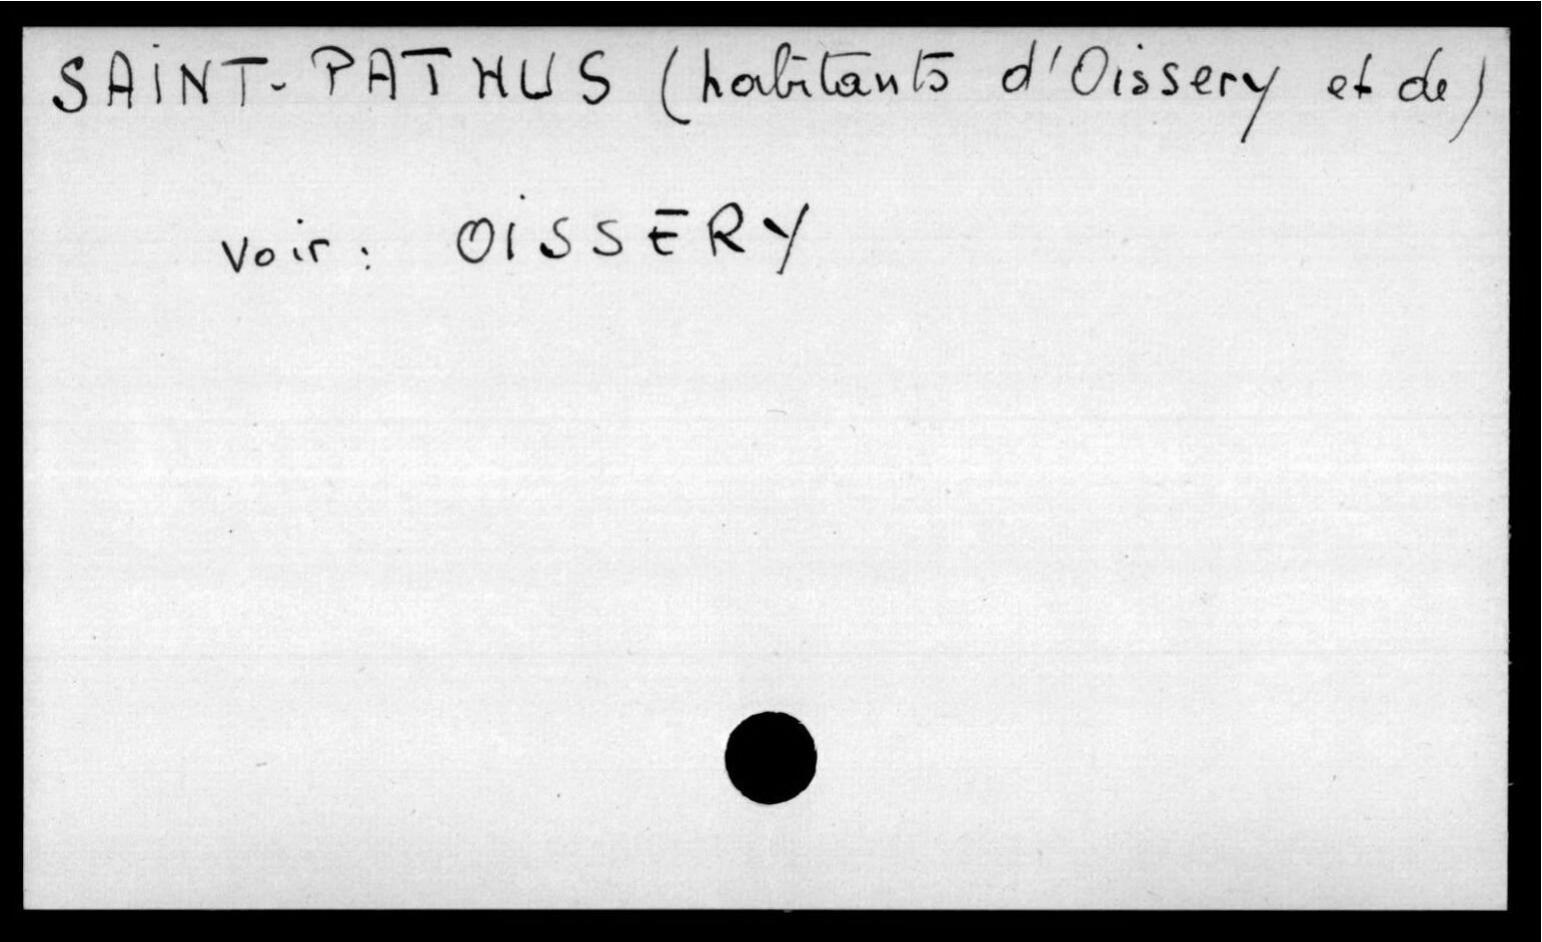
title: SAINT-PATHUS (habitants d'Oissery et de)
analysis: Voir : OISSERY
